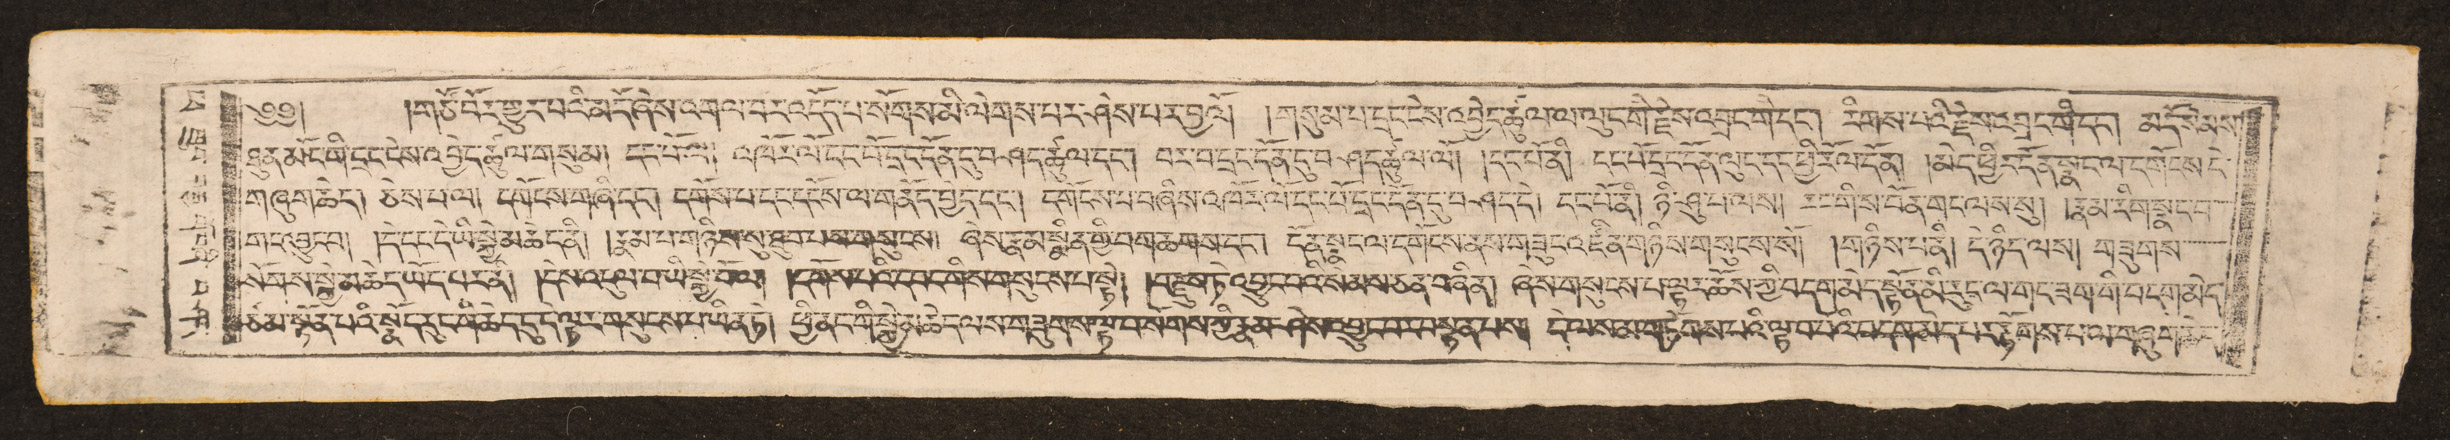༄༅། །གཙོ་བོར་གྱུར་པའི་མདོ་ཞེས་འགལ་བར་འདོད་པ་སོགས་མི་ལེགས་པར་ཤེས་པར་བྱའོ། །གསུམ་པ་དྲང་ངེས་འབྱེད་ཚུལ་ལ་ལུང་གི་རྗེས་འབྲང་གི་དང་། རིགས་པའི་རྗེས་འབྲང་གི་དང་། མདོ་སེམས་
ཐུན་མོང་གི་དྲང་ངེས་འབྱེད་ཚུལ་གསུམ། དང་པོ་ལ། འཁོར་ལོ་དང་པོ་དྲང་དོན་དུ་བཤད་ཚུལ་དང་། བར་བ་དྲང་དོན་དུ་བཤད་ཚུལ་ལོ། །དང་པོ་ནི། དང་པོ་དྲང་དོན་ལུང་དང་ཕྱི་རོལ་དོན། །མེད་ཕྱིར་དོན་སྣང་ལ་དགོངས་དེ་
གཞུག་ཆེད། ཅེས་པ་ལ། དགོངས་གཞི་དང་། དགོས་པ་དང་དངོས་ལ་གནོད་བྱེད་དང་། དགོངས་པ་བཞིས་འཁོར་ལོ་དང་པོ་དྲང་དོན་དུ་བཤད་དེ། དང་པོ་ནི། ཉི་ཤུ་པ་ལས། རང་གི་ས་བོན་གང་ལས་སུ། །རྣམ་རིག་སྨད་?་བ་
གང་འབྱུང་བ། །དེ་དང་དེ་ཡི་སྐྱེ་མཆེད་ནི། །རྣམ་པ་གཉིས་སུ་ཐུབ་པས་གསུངས། ཞེས་རྣམ་སྨིན་གྱི་བག་ཆགས་དང་། དོན་སྣང་ལ་དགོངས་ནས་གཟུང་འཛིན་གཉིས་གསུངས་སོ། །གཉིས་པ་ནི། དེ་ཉིད་ལས། གཟུགས་
སོགས་སྐྱེ་མཆེད་ཡོད་པར་ནི། །ངེས་འདུལ་བ་ཡི་སྐྱོ་བོ་ལ། །དགོས་པའི་དབང་གིས་གསུངས་པ་སྟེ། །བརྫུས་ཏེ་འབྱུང་བའི་སེམས་ཅན་བཞིན། ཞེས་གསུངས་པ་ལྟར་ཆོས་ཀྱི་བདག་མེད་སྟོན་མི་རུང་ལ་གང་ཟག་གི་བདག་མེད་
ཙམ་སྟོན་པའི་སྣོད་རུང་གི་ཆེད་དུ་དེ་ལྟར་གསུངས་པ་ཡིན་ཏེ། ཕྱི་ནང་གི་སྐྱེ་མཆེད་ལས་གཟུགས་ལྟ་བ་སོགས་ཀྱི་རྣམ་ཤེས་འབྱུང་བར་བསྟན་པས། དེ་ལས་མ་གཏོགས་པའི་ལྟ་བ་པོའི་བདག་མེད་པར་རྟོགས་པ་ལ་གཞུག་ཆེད་